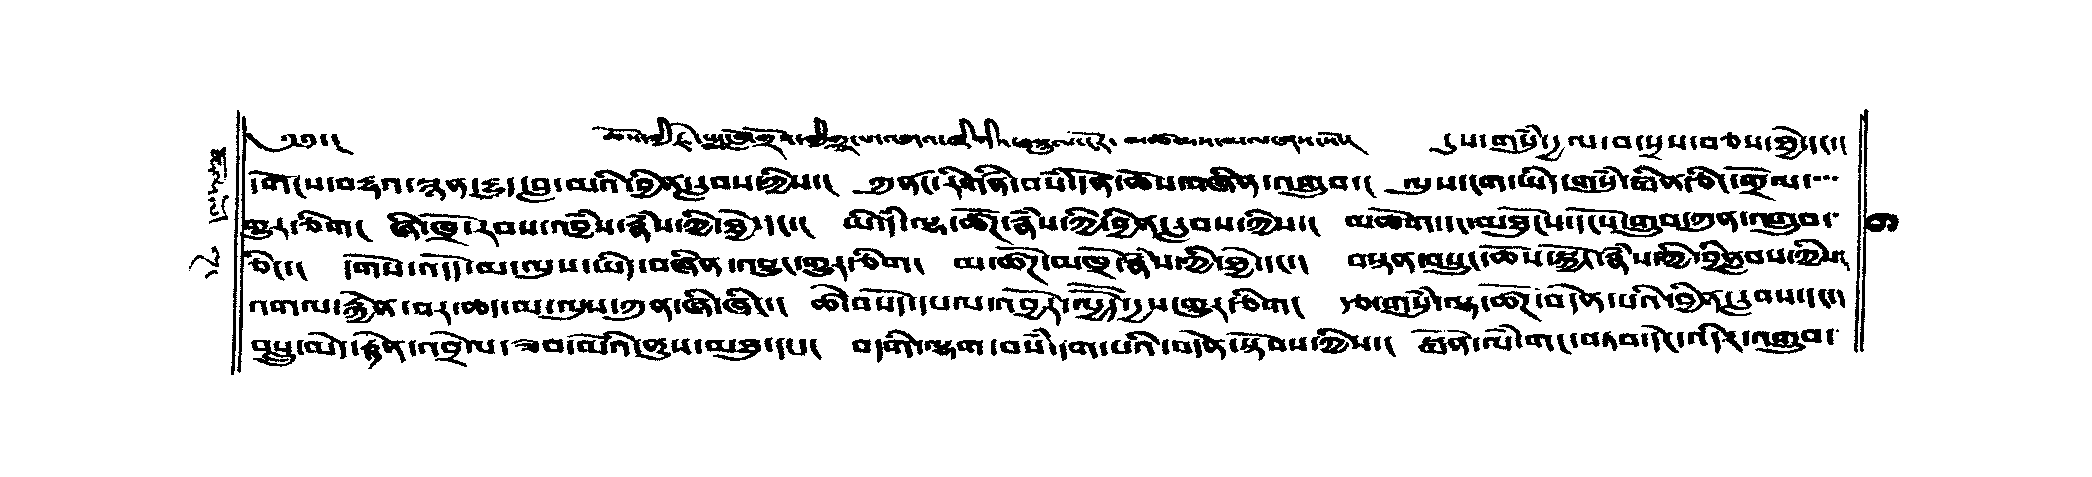ཆོས་ཀྱི་རྗེ་པདྨ་བློ་གྲོས་ཀྱིགྲྭ་པ་འགའ་ཞིག་གིས་བསྐུལ་ངོར་མཚམས་མལ་ནས་སོ།། དུས་གསུམ་རྒྱལ་བ་སྲས་བཅས་ཐུགས་རྗེ་དང་། །
དགོངས་བརྡ་སྙན་རྒྱུད་བླ་མའི་བྱིན་རླབས་ཀྱིས། །ཀུན་བཟང་རིག་འཛིན་བསམ་དོན་ཆོས་བཞིན་འགྲུབ། །ལུས་ངག་ཡིད་གསུམ་སྨིན་ཅིང་གྲོལ་
གྱུར་ཅིག །ཞི་ཁྲོ་རབ་འབྱམས་རྣམས་ཀྱི་ཐུགས་རྗེ་དང་། །ཡི་དམ་ལྷ་ཚོགས་རྣམས་ཀྱི་བྱིན་རླབས་ཀྱིས། །མཆོག་དང་ཐུན་མོང་དངོས་གྲུབ་ཀུན་འགྲུབ་
ཅིང་། །དགོས་འདོད་མ་ལུས་ཡིད་བཞིན་འབྱུང་གྱུར་ཅིག །མ་ཚོགས་མཁའ་འགྲོ་རྣམས་ཀྱི་ཐུགས་རྗེ་དང་། །བསྟན་བསྲུང་ཆོས་སྐྱོང་རྣམས་ཀྱི་བྱིན་རླབས་ཀྱིས། །
འགལ་རྐྱེན་བར་ཆད་མ་ལུས་ཀུན་ཞི་ཞིང་། །ཚེ་བསོད་དཔལ་འབྱོར་ལོངས་སྤྱོད་རྒྱས་གྱུར་ཅིག །རྩ་གསུམ་ལྷ་ཚོགས་བདེན་པའི་བྱིན་རླབས་དང་། །
བསླུ་མེད་རྟེན་འབྲེལ་ཟབ་མོའི་ནུས་མཐུ་དང་། །བདག་གི་ལྷག་བསམ་དག་པའི་བདེན་སྟོབས་ཀྱིས། །སྨོན་ལམ་གང་བཏབ་དེང་འདིར་འགྲུབ་